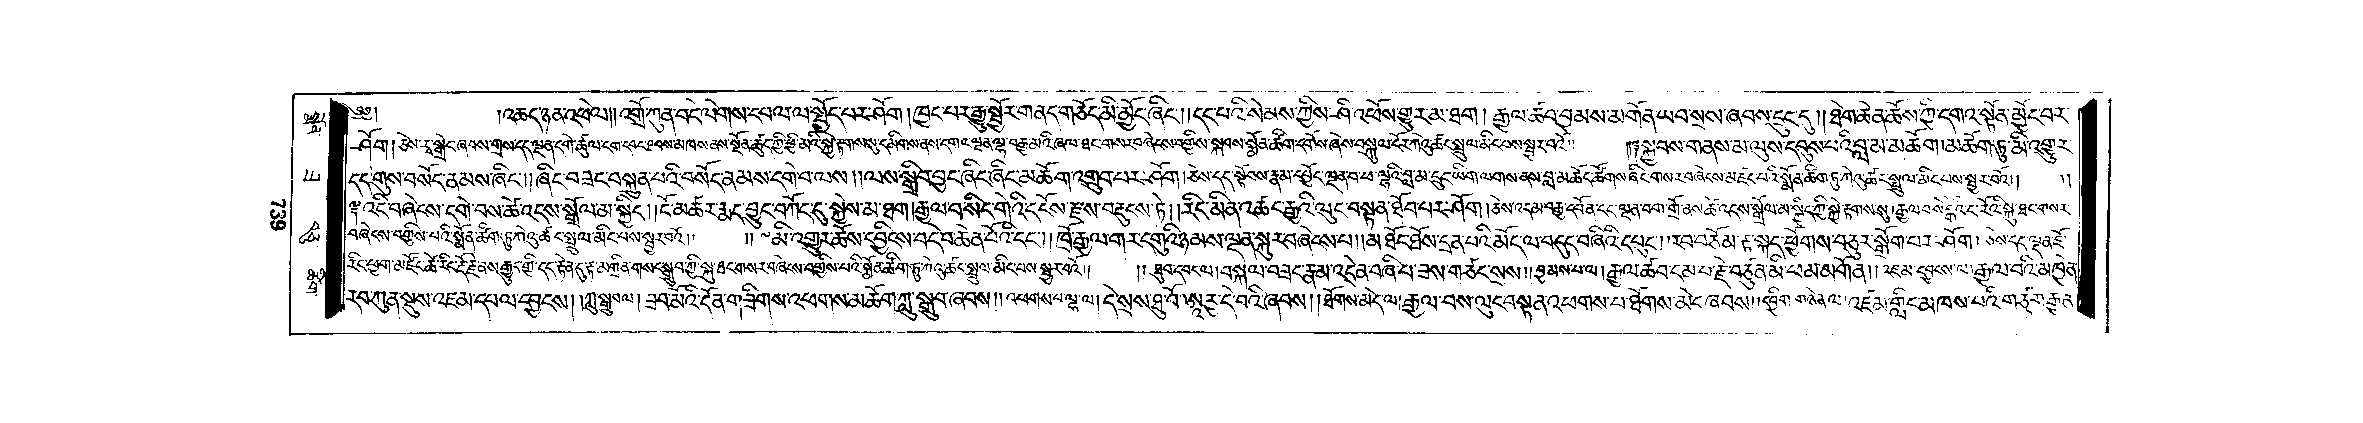༄༅། །འཆད་ཉན་འཕེལ། །འགྲོ་ཀུན་བདེ་ལེགས་དཔལ་ལ་སྤྱོད་པར་ཤོག །ཁྱད་པར་རྒྱུ་སྦྱོར་གནད་གཅོད་མི་མྱོང་ཞིང་། །དང་པའི་སེམས་ཀྱིས་ཤི་འཕོས་གྱུར་མ་ཐག །རྒྱལ་ཚབ་བྱམས་མགོན་ཡབ་སྲས་ཞབས་དྲུང་དུ། །ཐེག་ཆེན་ཆོས་ཀྱི་དགའ་སྟོན་མྱོང་བར་
ཤོག །ཅེས་རྭ་སྒྲེང་ཞབས་གྲས་དད་ལྡན་དགེ་ཚུལ་ངག་དབང་ཐབས་མཁས་ནས་སྔོན་ཚུད་ཀྱི་ཕྱི་མའི་སྐྱེ་རྟགས་སུ་དམིགས་ནས་དགའ་ལྡན་ལྷ་བརྒྱ་མའི་ཞལ་ཐང་གསར་བཞེངས་བགྱིས་སྐབས་སྨོན་ཚིག་དགོས་ཞེས་བསྐུལ་ངོར་ཀེའུ་ཚང་སྤྲུལ་མིང་པས་སྦྱར་བའོ།། །། ༈ སྐྱབས་གནས་མ་ལུས་དབུས་པའི་བླ་མ་མཆོག །མཆོག་ཏུ་མི་འགྱུར་
དད་གུས་བསོད་ནམས་ཞིང་། །ཞིང་བཟང་བསྐྲུན་པའི་བསོད་ནམས་དགེ་བ་ལས། །ལས་སྒྲིབ་བྱང་ཞིང་ཞིང་མཆོག་འགྲུབ་པར་ཤོག །ཅེས་དད་སྟོབས་རྣམ་དཔྱོད་ལྡན་བ་ཕ་ལྷའི་བླ་མ་དྲུང་ཡིག་ལགས་ནས་བླ་མཆོད་ཚོགས་ཞིང་གསར་བཞེངས་མཛད་པའི་སྨོན་ཚིག་ཏུ་ཀེའུ་ཚང་སྤྲུལ་མིང་པས་སྦྱར་བའོ།། །།
༈ འདི་བཞེངས་དགེ་བས་ཚེ་འདས་སྒྲོལ་མ་སྐྱིད། །ངོ་མཚར་རྨད་བྱུང་བཀོད་དུ་སྐྱེས་མ་ཐག །རྒྱལ་བ་སིང་གེའི་དངོས་རྫས་བརྡུངས་ཏེ། །རིང་མིན་འཚང་རྒྱའི་ལུང་བསྟན་ཐོབ་པར་ཤོག །ཅེས་འདམ་བརྒྱ་དཔོན་དད་ལྡན་བག་གྲོ་ནས་ཚེ་འདས་སྒྲོལ་མ་སྐྱིད་ཀྱི་སྐྱེ་རྟགས་སུ། རྒྱལ་བ་སེངྒེའི་ང་རོའི་སྐུ་ཐང་གསར་
བཞེངས་བགྱིས་པའི་སྨོན་ཚིག་ཏུ་ཀེའུ་ཚང་སྤྲུལ་མིང་པས་སྦྱར་བའོ།། །། ༧་མི་འགྱུར་ཆོས་དབྱིངས་བདེ་བ་ཆེན་པོའི་དང་། །ཁྲོ་རྒྱལ་གར་དགུའི་ཉམས་ལྡན་སྐུར་བཞེངས་པ། །མཐོང་ཐོས་དྲན་པའི་མོད་ལ་བདུད་བཞིའི་དཔུང་། །རབ་བཅོམ་རྟ་སྐད་ཕྱོགས་བཅུར་སྒྲོག་པར་ཤོག །ཅེས་དད་ལྡན་ཇོ་
རིང་ཕྱག་མཛོད་ཚེ་རིང་རྡོ་རྗེ་ནས་རྒྱུད་གྱི་དད་རྟེན་དུ་རྟ་མགྲིན་གསང་སྒྲུབ་གྱི་སྐུ་ཐང་གསར་བཞེངས་བགྱིས་པའི་སྨོན་ཚིག་ཏུ་ཀེའུ་ཚང་སྤྲུལ་མིང་པས་སྦྱར་བའོ།། །།ཐུབ་དབང་ལ། བསྐལ་བཟང་རྣམ་འདྲེན་བཞི་པ་ཟས་གཙང་སྲས། །བྱམས་པ་ལ། རྒྱལ་ཚབ་དམ་པ་རྗེ་བཙུན་མི་ཕམ་མགོན། །འཇམ་དབྱངས་ལ། རྒྱལ་བའི་མཁྱེན་
རབ་ཀུན་སྡུས་འཇམ་དཔལ་དབྱངས། །ཀླུ་སྒྲུབ་ལ། ཟབ་མོའི་དོན་གཟིགས་འཕགས་མཆོག་ཀླུ་སྒྲུབ་ཞབས། །འཕགས་པ་ལྷ་ལ། དེ་སྲས་ཐུ་བོ་ཨའྲྱ་དེ་བའི་ཞབས། །ཐོགས་མེད་ལ། རྒྱལ་བས་ལུང་བསྟན་འཕགས་པ་ཐོགས་མེད་ཞབས། །དབྱིག་གཉེན་ལ། འཛམ་གླིང་མཁས་པའི་གཙུག་རྒྱན་